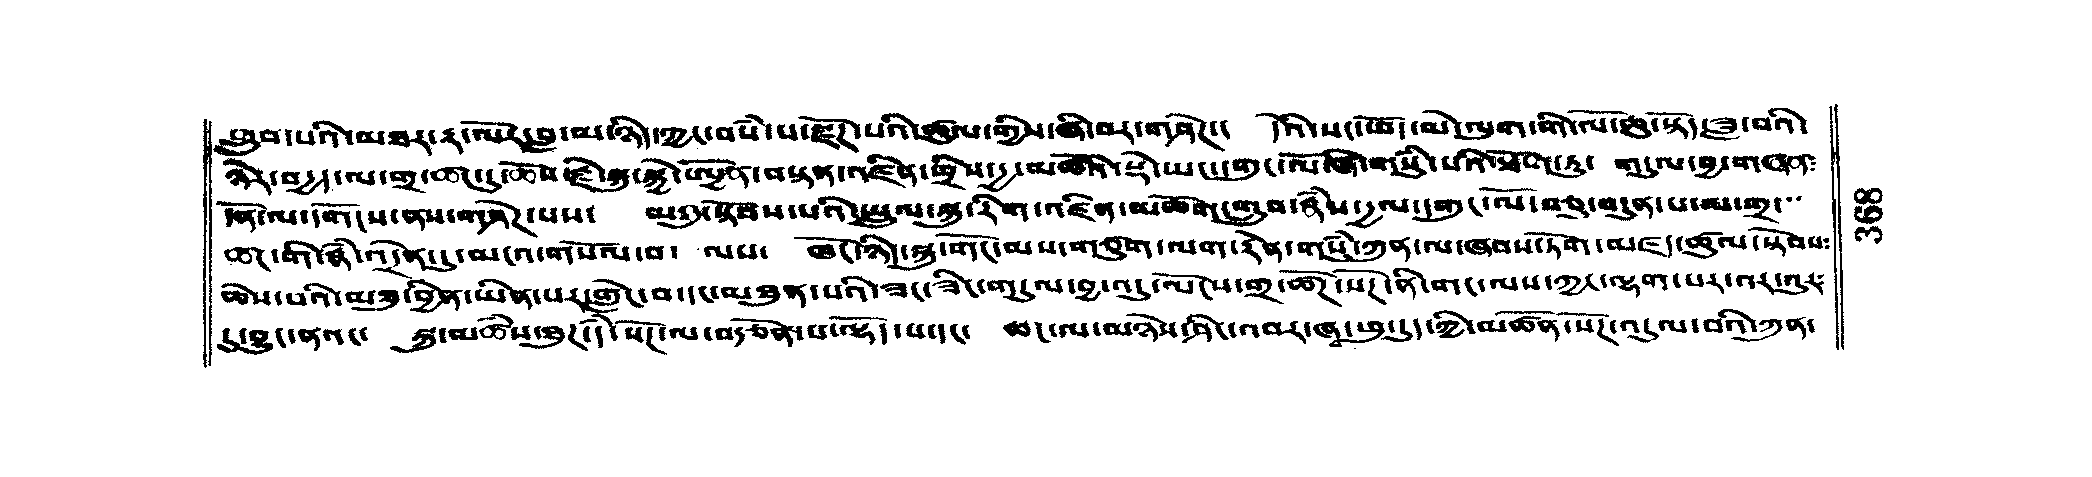གྲུབ་པའི་མཐར་རྟ་ལོར་བླ་མ་ཉིད་ཀྱང་བསམ་པ་རྫོགས་པའི་ཚུལ་གྱིས་ཞི་བར་གཤེགས། དེའི་སང་ཕོད་མེ་ལུག་གི་ལོ་ཆུ་སྟོད་ཟླ་བའི་
ཉེར་བརྒྱད་ལ་གྲྭ་ཚང་དུ་ཆོས་རྗེ་སྐུ་སྐྱེ་ཨོ་རྒྱན་བསྟན་འཛིན་ཕྲིན་ལས་རྒྱ་མཚོའི་སྡེ་ཡང་དགུང་ལོ་ཞེ་གསུམ་པའི་ཐོག་ཏུ། གདུལ་བྱ་གཞན་
དོན་ལ་དགོངས་ནས་གཤེགས་པས། མཐུ་སྟོབས་པའི་སྤྲུལ་སྐུ་རིག་འཛིན་མཆོག་གྲུབ་རྣམ་རྒྱལ་དགུང་ལོ་བཅུ་བདུན་པ་ལ་གྲྭ་
ཚང་གི་རྣམ་འདྲེན་དུ་མངའ་གསོལ་བ་ལས། ཁོང་ཉིད་སྐུ་གོང་མས་གཙུག་ལག་རྟེན་གསུམ་ཀུན་ལ་ཞབས་ཏོག་མཛད་ཚུལ་སྟོབས་
ཆེས་པའི་མཐུ་བྱིན་ཡིན་པར་གླེང་བ་དང་མཐུན་པའི་ཟང་ཟིང་གདུལ་བྱ་འདུ་ལོང་གྲྭ་ཚོགས་སོགས་ནི་གང་ལས་ཀྱང་ལྷག་པར་འར་འུར་
དུ་བྱུང་ནའང་། སྐུ་མཚམས་ཐུགས་དམ་སོགས་ལ་བརྩོན་པ་ལྷོད་པ་དང་། ཆང་ལ་མཉེས་ཤིང་འབར་ཞྭ་ཕུ་དུད་ཀྱིས་མཚོན་སོགས་འདུལ་བའི་ཀུན་